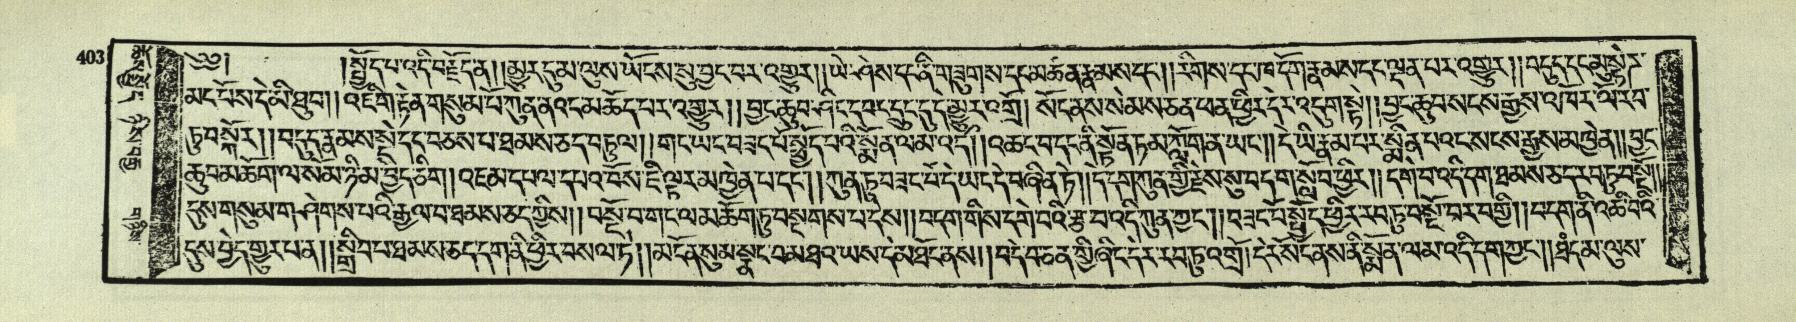༄༅། །སྤྱོད་པ་འདི་བརྗོད་ན། །མྱུར་དུ་མ་ལུས་ཡོངས་སུ་བྱང་བར་འགྱུར། །ཡེ་ཤེས་དང་ནི་གཟུགས་དང་མཚན་རྣམས་དང་། །རིགས་དང་ཁ་དོག་རྣམས་དང་ལྡན་པར་འགྱུར། །བདུད་དང་མུ་སྟེཌ་
མང་པོས་དེ་མི་ཐུབ། །འཇིག་རྟེན་གསུམ་པོ་ཀུན་ནའང་མཆོད་པར་འགྱུར། །བྱང་ཆུབ་ཤིང་དབང་དྲུང་དུ་དེ་མྱུར་འགྲོ། །སོང་ནས་སེམས་ཅན་ཕན་ཕྱིར་དེར་འདུག་སྟེ། །བྱང་ཆུབ་སངས་རྒྱས་འཁོར་ལོ་རབ་
ཏུ་བསྐོར། །བདུད་རྣམས་སྡེ་དང་བཅས་པ་ཐམས་ཅད་བཏུལ། །གང་ཡང་བཟང་པོ་སྤྱོད་པའི་སྨོན་ལམ་འདྀ། །འཆང་བ་དང་ནི་སྟོན་ཏམ་ཀློག་ན་ཡང་། །དེ་ཡི་རྣམ་པར་སྨིན་པའང་སངས་རྒྱས་མཁྱེན། །བྱང་
ཆུབ་མཆོག་ལ་སོམ་ཉི་མ་བྱེད་ཅིག །འཇམ་དཔལ་དཔའ་བོས་ཇི་ལྟར་མཁྱེན་པ་དང་། །ཀུན་ཏུ་བཟང་པོ་དེ་ཡང་དེ་བཞིན་ཏེ། །དེ་དག་ཀུན་གྱི་རྗེས་སུ་བདག་སློབ་ཕྱིར། །དགེ་བ་འདི་དག་ཐམས་ཅད་རབ་ཏུ་བསྔོ།།
དུས་གསུམ་གཤེགས་པའི་རྒྱལ་བ་ཐམས་ཅད་ཀྱིས། །བསྔོ་བ་གང་ལ་མཆོག་ཏུ་བསྔགས་པ་དེས། །བདག་གིས་དགེ་བའི་རྩ་བ་འདི་ཀུན་ཀྱང་། །བཟང་པོ་སྤྱོད་ཕྱིར་རབ་ཏུ་བསྔོ་བར་བགྱི། །བདག་ནི་འཆི་བའི་
དུས་བྱེད་གྱུར་པ་ན། །སྒྲིབ་པ་ཐམས་ཅད་དག་ནི་ཕྱིར་བསལ་ཏེ། །མངོན་སུམ་སྣང་བ་མཐའ་ཡས་དེ་མཐོང་ནས། །བདེ་བ་ཅན་གྱི་ཞིང་དེར་རབ་ཏུ་འགྲོ། །དེར་སོང་ནས་ནི་སྨོན་ལམ་འདི་དག་ཀྱང་། །ཐཾད་མ་ལུས་